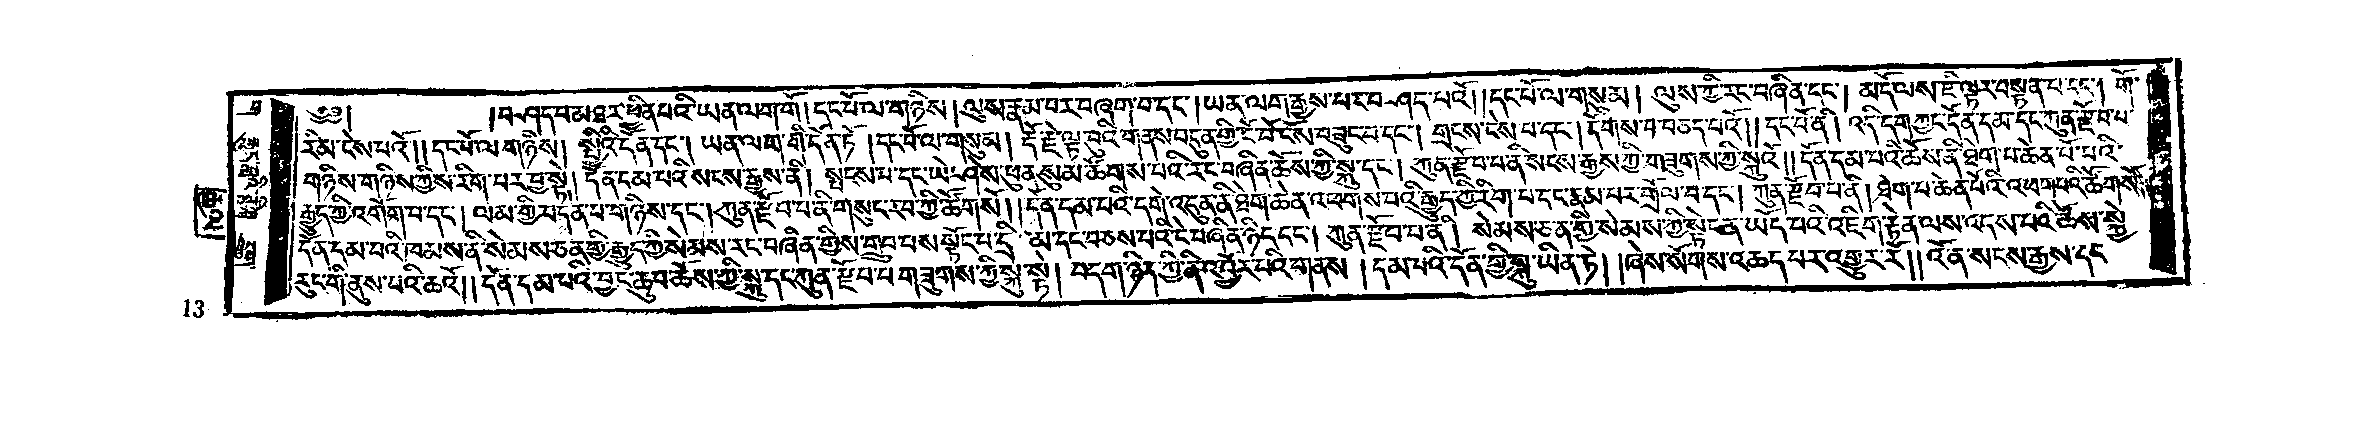༄༅། །བཤད་པ་མཐར་ཕྱིན་པའི་ཡན་ལག་གོ །དང་པོ་ལ་གཉིས། ལུས་རྣམ་པར་བཞག་པ་དང་། ཡན་ལག་རྒྱས་པར་བཤད་པའོ། །དང་པོ་ལ་གསུམ། ལུས་ཀྱི་རང་བཞིན་དང་། མདོ་ལས་ཇི་ལྟར་བསྟན་པ་དང་། གོ་
རིམ་ངེས་པའོ། །དང་པོ་ལ་གཉིས། སྤྱིའི་དོན་དང་། ཡན་ལག་གི་དོན་ཏོ། དང་པོ་ལ་གསུམ། རྡོ་རྗེ་ལྟ་བུའི་གནས་བདུན་གྱི་ངོ་བོ་ངོས་བཟུང་བ་དང་། གྲངས་ངེས་པ་དང་། དོགས་པ་བཅད་པའོ། །དང་པོ་ནི། འདི་དག་ཀྱང་དོན་དམ་དང་ཀུན་རྫོབ་པ་
གཉིས་གཉིས་ཀྱིས་རིག་པར་བྱ་སྟེ། དོན་དམ་པའི་སངས་རྒྱས་ནི། སྤངས་པ་དང་ཡེ་ཤེས་ཕུན་སུམ་ཚོགས་པའི་རང་བཞིན་ཆོས་ཀྱི་སྐུ་དང་། ཀུན་རྫོབ་པ་ནི་སངས་རྒྱས་ཀྱི་གཟུགས་ཀྱི་སྐུའོ། །དོན་དམ་པའི་ཆོས་ནི་ཐེག་པ་ཆེན་པོ་པའི་
རྒྱུད་ཀྱི་འགོག་པ་དང་། ལམ་གྱི་བདེན་པ་གཉིས་དང་། ཀུན་རྫོབ་པ་ནི་གསུང་རབ་ཀྱི་ཚོགས་སོ། །དོན་དམ་པའི་དགེ་འདུན་ནི་ཐེག་ཆེན་འཕགས་པའི་རྒྱུད་ཀྱི་རིག་པ་དང་རྣམ་པར་གྲོལ་བ་དང་། ཀུན་རྫོབ་པ་ནི། ཐེག་པ་ཆེན་པོའི་འཕགས་པའི་ཚོགས་སོ། །
དོན་དམ་པའི་ཁམས་ནི་སེམས་ཅན་གྱི་རྒྱུད་ཀྱི་སེམས་རང་བཞིན་གྱིས་གྲུབ་པས་སྟོང་པ་དྲི་མ་དང་བཅས་པའི་དེ་བཞིན་ཉིད་དང་། ཀུན་རྫོབ་པ་ནི། སེམས་ཅན་གྱི་སེམས་ཀྱི་སྟེང་ན་ཡོད་པའི་འཇིག་རྟེན་ལས་འདས་པའི་ཆོས་སྐྱེ་
རུང་གི་ནུས་པའི་ཆའོ། །དོན་དམ་པའི་བྱང་ཆུབ་ཆོས་ཀྱི་སྐུ་དང་ཀུན་རྫོབ་པ་གཟུགས་ཀྱི་སྐུ་སྟེ། བདག་ཉིད་ཀྱི་ནི་འབྱོར་པའི་གནས། དམ་པའི་དོན་གྱི་སྐུ་ཡིན་ཏེ། །ཞེས་སོགས་འཆད་པར་འགྱུར་རོ། །འོ་ན་སངས་རྒྱས་དང་